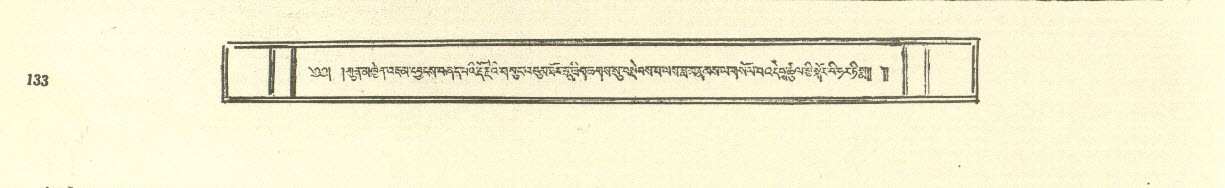༄༅། །ཀུན་མཁྱེན་འཇམ་དབྱངས་བཞད་པའི་རྡོ་རྗེའི་གསུང་འབུམ་ཐོར་བུ་ཁྲིག་ཆགས་སུ་བསྡེབས་པ་ལས་བླ་མ་རྣམས་ལ་གསོལ་བ་འདེབས་ཚུལ་གྱི་སྐོར་བི་ཏར་ཏི་སྨ།། །།